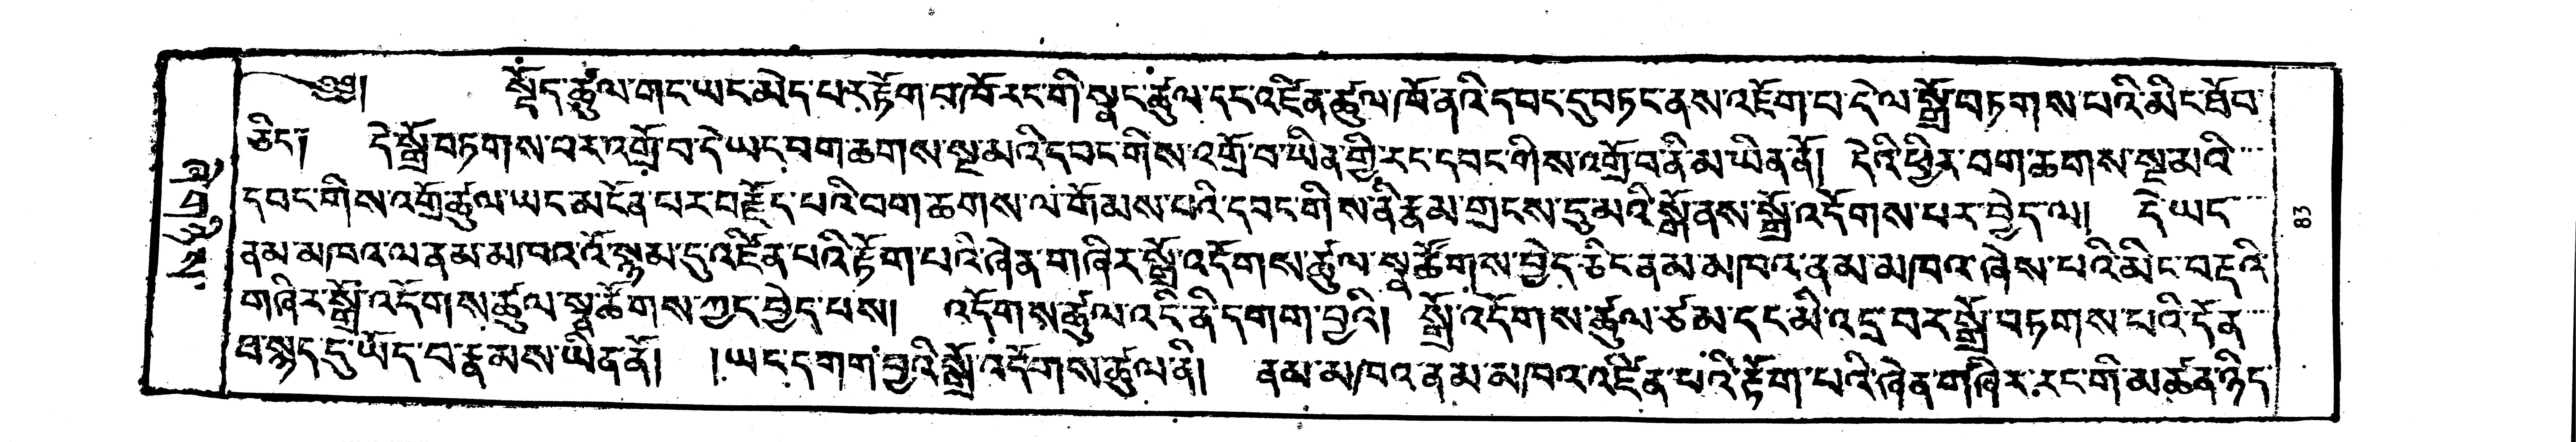༄༅། །སྡོད་ཚུལ་གང་ཡང་མེད་པར་རྟོག་པ་ཁོ་རང་གི་སྣང་ཚུལ་དང་འཛིན་ཚུལ་ཁོ་ནའི་དབང་དུ་བཏང་ནས་འཇོག་པ་དེ་ལ་སྒྲོ་བཏགས་པའི་མིང་ཐོབ་
ཅིང་། དེ་སྒྲོ་བཏགས་པར་འགྲོ་བ་དེ་ཡང་བག་ཆགས་སྔ་མའི་དབང་གིས་འགྲོ་བ་ཡིན་གྱི་རང་དབང་གིས་འགྲོ་བ་ནི་མ་ཡིན་ནོ། དེའི་ཕྱིར་བག་ཆགས་སྔ་མའི་
དབང་གིས་འགྲོ་ཚུལ་ཡང་མངོན་པར་བརྗོད་པའི་བག་ཆགས་ལ་གོམས་པའི་དབང་གིས་ནི་རྣམ་གྲངས་དུ་མའི་སྒོ་ནས་སྒྲོ་འདོགས་པར་བྱེད་ལ། དེ་ཡང་
ནམ་མཁའ་ལ་ནམ་མཁའ་འོ་སྙམ་དུ་འཛིན་པའི་རྟོག་པའི་ཞེན་གཞིར་སྒྲོ་འདོགས་ཚུལ་སྣ་ཚོགས་བྱེད་ཅིང་ནམ་མཁའ་ནམ་མཁའ་ཞེས་པའི་མིང་བརྡའི་
གཞིར་སྒྲོ་འདོགས་ཚུལ་སྣ་ཚོགས་ཀྱང་བྱེད་པས། འདོགས་ཚུལ་འདི་ནི་དགག་བྱའི། སྒྲོ་འདོགས་ཚུལ་ཙམ་དང་མི་འདྲ་བར་སྒྲོ་བཏགས་པའི་དོན་
ཐ་སྙད་དུ་ཡོད་པ་རྣམས་ཡིན་ནོ། །ཡང་དགག་བྱའི་སྒྲོ་འདོགས་ཚུལ་ནི། ནམ་མཁའ་ནམ་མཁའ་འཛིན་པའི་རྟོག་པའི་ཞེན་གཞིར་རང་གི་མཚན་ཉིད་